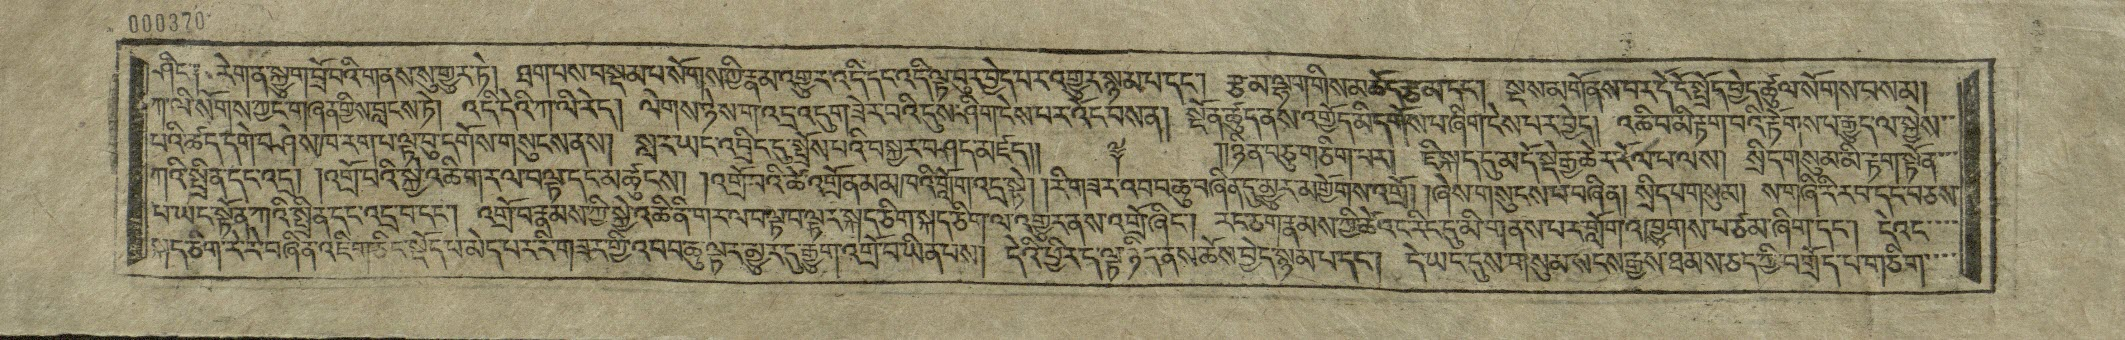ཤིང༑ རེག་ན་སྐྱུག་བྲོ་བའི་གནས་སུ་གྱུར་ཏེ། ཐག་པས་བསྡམ་པ་སོགས་ཀྱི་རྣམ་འགྱུར་འདི་དང་འདི་ལྟ་བུར་བྱེད་པར་འགྱུར་སྙམ་པ་དང་། རྩམ་ལྷག་གིས་མཆོད་རྩམ་དང་། སྔས་མགོ་ནས་བར་དོ་ངོ་སྤྲོད་བྱེད་ཚུལ་སོགས་བསམ།
ཀ་ལི་སོགས་ཀྱང་གཞན་གྱིས་བླངས་ཏེ། འདི་དེའི་ཀ་ལི་རེད། ལེགས་ཉེས་ག་འདྲ་འདུག་ཟེར་བའི་དུས་ཤིག་ངེས་པར་འོང་བས་ན། སྔོན་ཚུད་ནས་འགྱོད་མི་དགོས་པ་ཞིག་ངེས་པར་བྱེད། འཆི་བ་མི་རྟག་པའི་རྟོགས་པ་རྒྱུད་ལ་སྐྱེས་
པའི་ཚད་དགེ་བཤེས་ཁ་རག་པ་ལྟ་བུ་དགོས་གསུངས་ནས། སླར་ཡང་འབྲིང་དུ་སྤྲོས་པའི་བསྐྱར་བཤད་མཛད།། ༈ །།ཉིན་བཅུ་གཅིག་པར། ཇི་སྐད་དུ་མདོ་སྡེ་རྒྱ་ཆེར་རོལ་པ་ལས། སྲིད་གསུམ་མི་རྟག་སྟོན་
ཀའི་སྤྲིན་དང་འདྲ། །འགྲོ་བའི་སྐྱེ་འཆི་གར་ལ་བལྟ་དང་མཚུངས། །འགྲོ་བའི་ཚེ་འགྲོ་ནམ་མཁའི་གློག་འདྲ་སྟེ། །རི་གཟར་འབབ་ཆུ་བཞིན་དུ་མྱུར་མགྱོགས་འགྲོ། །ཞེས་གསུངས་པ་བཞིན། སྲིད་པ་གསུམ། ས་གཞི་རི་རབ་དང་བཅས་
པ་ཡང་སྟོན་ཀའི་སྤྲིན་དང་འདྲ་བ་དང་། འགྲོ་བ་རྣམས་ཀྱི་སྐྱེ་འཆི་ནི་གར་ལ་བལྟ་བ་ལྟར་སྐད་ཅིག་སྐད་ཅིག་ལ་འགྱུར་ནས་འགྲོ་ཞིང་། རང་ཅག་རྣམས་ཀྱི་ཚེའང་རིང་དུ་མི་གནས་པར་གློག་འཁྱུགས་པ་ཙམ་ཞིག་དང་། དེའང་
སྐད་ཅིག་རེ་རེ་བཞིན་འཇིག་ཅིང་སྡོད་པ་མེད་པར་རི་གཟར་གྱི་འབབ་ཆུ་ལྟར་མྱུར་དུ་རྒྱུག་འགྲོ་བ་ཡིན་པས། དེའི་ཕྱིར་ད་ལྟ་ཉིད་ནས་ཆོས་བྱེད་སྙམ་པ་དང་། དེ་ཡང་དུས་གསུམ་སངས་རྒྱས་ཐམས་ཅད་ཀྱི་བགྲོད་པ་གཅིག་